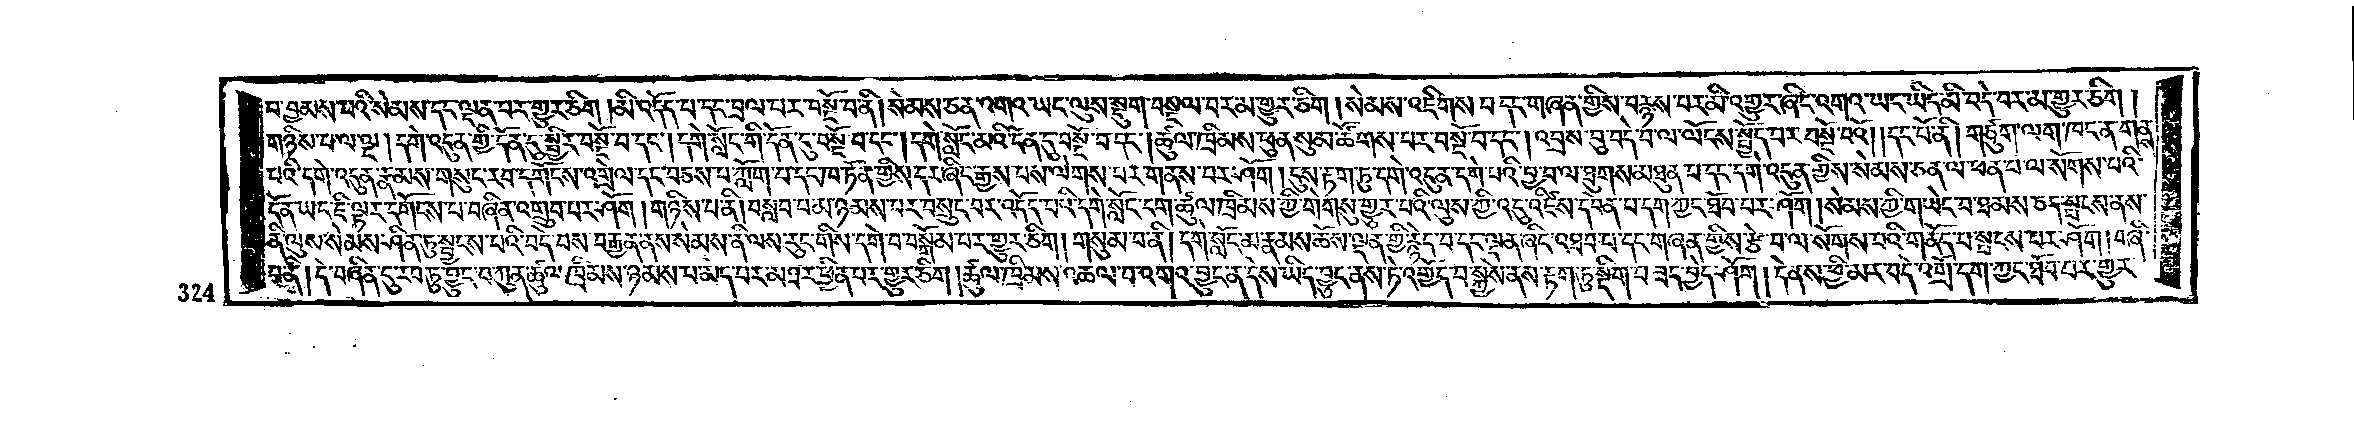པ་བྱམས་པའི་སེམས་དང་ལྡན་པར་གྱུར་ཅིག །མི་འདོད་པ་དང་བྲལ་བར་བསྔོ་བ་ནི། སེམས་ཅན་འགའ་ཡང་ལུས་སྡུག་བསྔལ་བར་མ་གྱུར་ཅིག །སེམས་འཇིགས་པ་དང་གཞན་གྱིས་བརྙས་པར་མི་འགྱུར་ཞིང་འགའ་ཡང་ཡིད་མི་བདེ་བར་མ་གྱུར་ཅིག །
གཉིས་པ་ལ་ལྔ། དགེ་འདུན་གྱི་དོན་དུ་སྤྱིར་བསྔོ་བ་དང་། དགེ་སློང་གི་དོན་དུ་བསྔོ་བ་དང་། དགེ་སློང་མའི་དོན་དུ་བསྔོ་བ་དང་། ཚུལ་ཁྲིམས་ཕུན་སུམ་ཚོགས་པར་བསྔོ་བ་དང་། འབྲས་བུ་བདེ་བ་ལ་ལོངས་སྤྱོད་པར་བསྔོ་བའོ། །དང་པོ་ནི། གཙུག་ལག་ཁང་ན་གནས་
པའི་དགེ་འདུན་རྣམས་གསུང་རབ་དགོངས་འགྲེལ་དང་བཅས་པ་ཀློག་པ་དང་ཁ་ཏོན་གྱིས་དར་ཞིང་རྒྱས་པས་ལེགས་པར་གནས་པར་ཤོག །དུས་རྟག་ཏུ་དགེ་འདུན་དགེ་བའི་བྱ་བ་ལ་ཐུགས་མཐུན་པ་དང་དགེ་འདུན་གྱིས་སེམས་ཅན་ལ་ཕན་པ་ལ་སོགས་པའི་
དོན་ཡང་ཇི་ལྟར་དགོངས་པ་བཞིན་འགྲུབ་པར་ཤོག །གཉིས་པ་ནི། བསླབ་པ་མ་ཉམས་པར་བསྲུང་བར་འདོད་པའི་དགེ་སློང་དག་ཚུལ་ཁྲིམས་ཀྱི་གེགས་སུ་གྱུར་པའི་ལུས་ཀྱི་འདུ་འཛིས་དབེན་པ་དག་ཀྱང་ཐོབ་པར་ཤོག །སེམས་ཀྱི་གཡེང་བ་ཐམས་ཅད་སྤངས་ནས་
ནི་ལུས་སེམས་ཤིན་ཏུ་སྦྱངས་པའི་བདེ་བས་བརྒྱན་ནས་སེམས་ནི་ལས་རུང་གིས་དགེ་བ་བསྒོམ་པར་གྱུར་ཅིག །གསུམ་པ་ནི། དགེ་སློང་མ་རྣམས་ཆོས་ལྡན་གྱི་རྙེད་པ་དང་ལྡན་ཞིང་འཐབ་པ་དང་གཞན་གྱིས་རྩེ་བ་ལ་སོགས་པའི་གནོད་པ་སྤངས་པར་ཤོག །བཞི་
པ་ནི། དེ་བཞིན་དུ་རབ་ཏུ་བྱུང་བ་ཀུན་ཚུལ་ཁྲིམས་ཉམས་པ་མེད་པར་མཐར་ཕྱིན་པར་གྱུར་ཅིག །ཚུལ་ཁྲིམས་འཆལ་བ་འགའ་བྱུང་ན་དེས་ཡིད་བྱུང་ནས་ཏེ་འགྱོད་པ་སྐྱེས་ནས་རྟག་ཏུ་སྡིག་པ་ཟད་བྱེད་ཤོག །དེ་ནས་ཕྱི་མར་བདེ་འགྲོ་དག་ཀྱང་ཐོབ་པར་གྱུར་